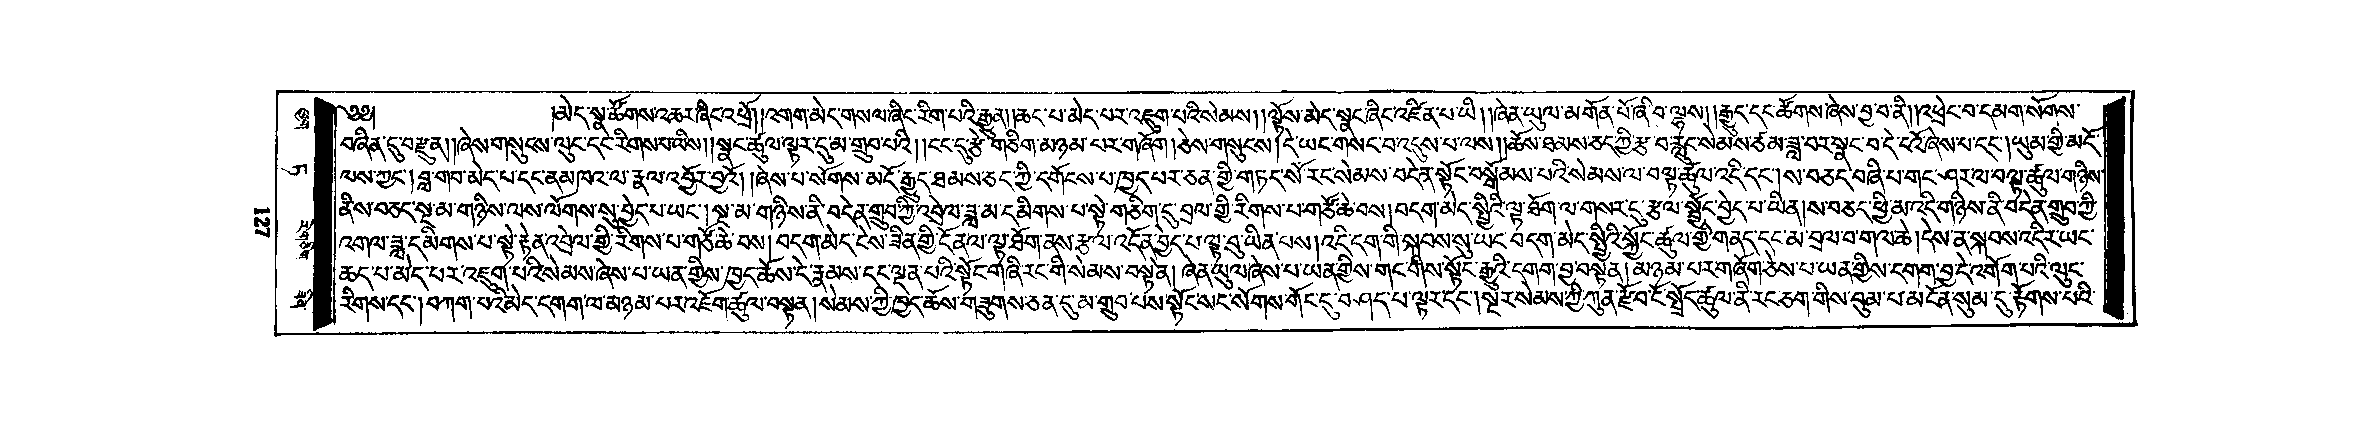༄༅། །མེད་སྣ་ཚོགས་འཆར་ཞིང་འཕྲོ། །འགག་མེད་གསལ་ཞིང་རིག་པའི་རྒྱུན། །ཆད་པ་མེད་པར་འཇུག་པའི་སེམས། །ལྟོས་མེད་སྣང་ཞིང་འཛིན་པ་ཡིན། །ཞེན་ཡུལ་མགོན་པོ་ཞི་བ་ལྷས། །རྒྱུད་དང་ཚོགས་ཞེས་བྱ་བ་ནི། །འཕྲེང་བ་དམག་སོགས་
བཞིན་དུ་བརྫུན། །ཞེས་གསུངས་ལུང་དང་རིགས་པ་ཡིས། །སྣང་ཚུལ་ལྟར་དུ་མ་གྲུབ་པའི། །ངང་དུ་རྩེ་གཅིག་མཉམ་པར་གཞོག །ཅེས་གསུངས། དེ་ཡང་གསང་བ་འདུས་པ་ལས། །ཆོས་ཐམས་ཅད་ཀྱི་རྩ་བ་རླུང་སེམས་ཙམ་ཟླ་བར་སྣང་བ་དེ་ངའོ་ཞེས་པ་དང་། ཡུམ་གྱི་མདོ་
ལས་ཀྱང་། བླ་གབ་མེད་པ་དང་ནམ་མཁའ་ལ་རྣལ་འབྱོར་བྱའོ། །ཞེས་པ་སོགས་མདོ་རྒྱུད་ཐམས་ཅད་ཀྱི་དགོངས་པ་ཁྱད་པར་ཅན་གྱི་གཏད་སོ་རང་སེམས་བདེན་སྟོང་བསྒོམས་པའི་སེམས་ལ་བལྟ་ཚུལ་འདི་དང་། ས་བཅད་བཞི་པ་གང་ཤར་ལ་བལྟ་ཚུལ་གཉིས་
ནི་ས་བཅད་སྔ་མ་གཉིས་ལས་ལོགས་སུ་བྱེད་པ་ཡང་། སྔ་མ་གཉིས་ནི་བདེན་གྲུབ་ཀྱི་འབྲེལ་ཟླ་མ་དམིགས་པ་སྟེ་གཅིག་དུ་བྲལ་གྱི་རིགས་པ་གཙོ་ཆེ་བས། བདག་མེད་སྤྱིའི་ལྟ་ཐོག་ལ་གསར་དུ་རྩལ་སྦྱོང་བྱེད་པ་ཡིན། ས་བཅད་ཕྱི་མ་འདི་གཉིས་ནི་བདེན་གྲུབ་ཀྱི་
འགལ་ཟླ་དམིགས་པ་སྟེ་རྟེན་འབྲེལ་གྱི་རིགས་པ་གཙོ་ཆེ་བས། བདག་མེད་ངེས་ཟིན་གྱི་དོན་ལ་ལྟ་ཐོག་ནས་རྩལ་འདོན་བྱེད་པ་ལྟ་བུ་ཡིན་པས། འདི་དག་གི་སྐབས་སུ་ཡང་བདག་མེད་སྤྱིའི་སྐྱོང་ཚུལ་གྱི་གནད་དང་མ་བྲལ་བ་གལ་ཆེ། དེས་ན་སྐབས་འདིར་ཡང་
ཆད་པ་མེད་པར་འཇུག་པའི་སེམས་ཞེས་པ་ཡན་གྱིས་ཁྱད་ཆོས་དེ་རྣམས་དང་ལྡན་པའི་སྟོང་གཞི་རང་གི་སེམས་བསྟེན། ཞེན་ཡུལ་ཞེས་པ་ཡན་གྱིས་གང་གིས་སྟོང་རྒྱུའི་དགག་བྱ་བསྟན། མཉམ་པར་གཞོག་ཅེས་པ་ཡན་གྱིས་དགག་བྱ་དེ་འགོག་པའི་ལུང་
རིགས་དང་། བཀག་པའི་མེད་དགག་ལ་མཉམ་པར་འཇོག་ཚུལ་བསྟན། སེམས་ཀྱི་ཁྱད་ཆོས་གཟུགས་ཅན་དུ་མ་གྲུབ་པས་སྟོང་སང་སོགས་གོང་དུ་བཤད་པ་ལྟར་དང་། སྔར་སེམས་ཀྱི་ཀུན་རྫོབ་ངོ་སྤྲོད་ཚུལ་ནི་རང་ཅག་གིས་བུམ་པ་མངོན་སུམ་དུ་རྟོགས་པའི་